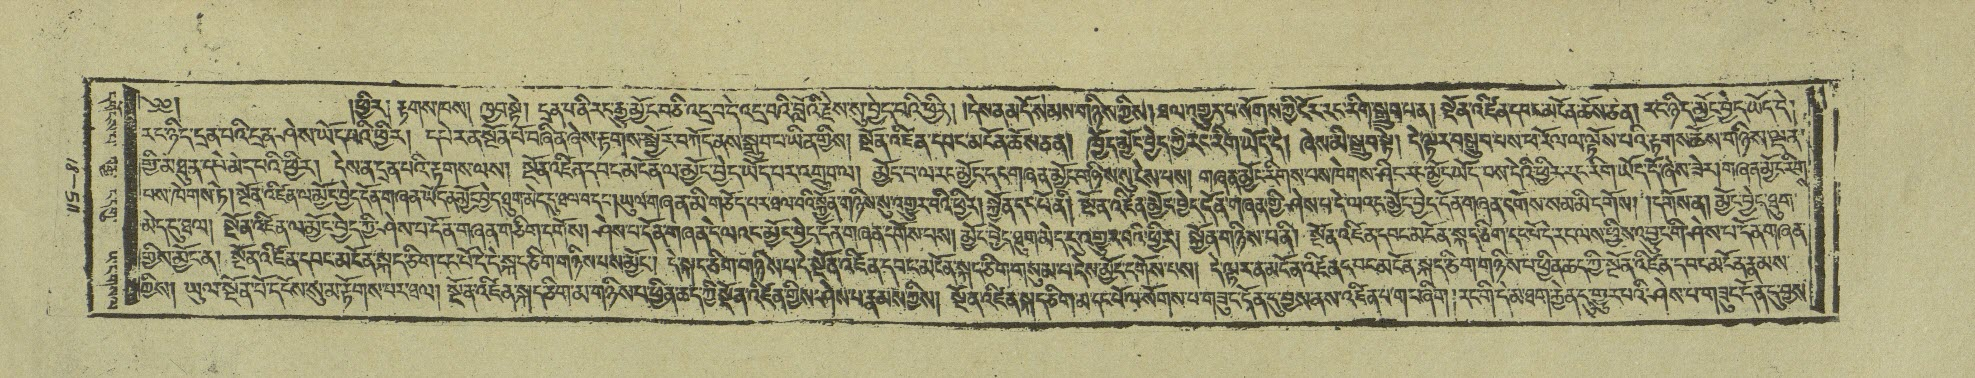༄༅། །ཕྱིར། རྟགས་ཁས། ཁྱབ་སྟེ། དྲན་པ་ནི་རང་རྒྱུ་མྱོང་བ་ཅི་འདྲ་བདེ་འདྲ་བའི་བློའི་རྗེས་སུ་བྱེད་པའི་ཕྱིར། དེས་ན་མདོ་སེམས་གཉིས་ཀྱིས། ཐལ་འགྱུར་བ་སོགས་ཀྱི་ངོར་རང་རིག་སྒྲུབ་པ་ན། སྔོན་འཛིན་དབང་མངོན་ཆོས་ཅན། རང་ཉིད་མྱོང་བྱེད་ཡོད་དེ་
རང་ཉིད་དྲན་པའི་དྲན་ཤེས་ཡོད་པའི་ཕྱིར། དཔེར་ན་སྔོན་པོ་བཞིན་ཞེས་རྟགས་སྦྱོར་བཀོད་ནས་སྒྲུབ་པ་ཡིན་གྱིས། སྔོན་འཛིན་དབང་མངོན་ཆོས་ཅན། ཁྱོད་མྱོང་བྱེད་ཀྱི་རང་རིག་ཡོད་དེ། ཞེས་མི་སྒྲུབ་སྟེ། དེ་ལྟར་བསྒྲུབ་པས་ཕ་རོལ་ལ་ལྟོས་པའི་རྟགས་ཆོས་གཉིས་ལྡན་
གྱི་མཐུན་དཔེ་མེད་པའི་ཕྱིར། དེས་ན་དྲན་པའི་རྟགས་ལས། སྔོན་འཛིན་དབང་མངོན་ལ་མྱོང་བྱེད་ཡོད་པར་འགྲུབ་ལ། མྱོང་བ་ལ་རང་མྱོང་དང་གཞན་མྱོང་གཉིས་སུ་ངེས་པས། གཞན་མྱོང་རིགས་པས་ཁེགས་ཤིང་རང་མྱོང་ཡོད་པས་དེའི་ཕྱིར་རང་རིག་ཡོད་དོ་ཞེས་ཟེར། གཞན་མྱོང་རིགས་
པས་ཁེགས་ཏེ། སྔོན་འཛིན་ལ་མྱོང་བྱེད་དོན་གཞན་ཡོད་ན་མྱོང་བྱེད་ཐུག་མེད་དུ་ཐལ་བ་དང་། ཡུལ་གཞན་མི་གཅོད་པར་ཐལ་བའི་སྐྱོན་གཉིས་སུ་འགྱུར་བའི་ཕྱིར། སྐྱོན་དང་པོ་ནི། སྔོན་འཛིན་མྱོང་བྱེད་དོན་གཞན་གྱི་ཤེས་པ་དེ་ལའང་མྱོང་བྱེད་དོན་གཞན་དགོས་སམ་མི་དགོས། །དགོས་ན། མྱོང་བྱེད་ཐུག་
མེད་དུ་ཐལ། སྔོན་འཛིན་ལ་མྱོང་བྱེད་ཀྱི་ཤེས་པ་དོན་གཞན་གཅིག་དགོས། ཤེས་པ་དོན་གཞན་དེ་ལའང་མྱོང་བྱེད་དོན་གཞན་དགོས་པས། མྱོང་བྱེད་ཐུག་མེད་དུ་འགྱུར་བའི་ཕྱིར། སྐྱོན་གཉིས་པ་ནི། སྔོན་འཛིན་དབང་མངོན་སྐད་ཅིག་དང་པོ་དེ་རང་ལས་ཕྱིས་འབྱུང་གི་ཤེས་པ་དོན་གཞན་
གྱིས་མྱོང་ན། སྔོན་འཛིན་དབང་མངོན་སྐད་ཅིག་དང་པོ་དེ་དེ་སྐད་ཅིག་གཉིས་པས་མྱོང་། དེ་སྐད་ཅིག་གཉིས་པ་དེ་སྔོན་འཛིན་དབང་མངོན་སྐད་ཅིག་གསུམ་པ་དེས་མྱོང་དགོས་པས། དེ་ལྟར་ན་མངོན་འཛིན་དབང་མངོན་སྐད་ཅིག་གཉིས་པ་ཕྱིན་ཆད་ཀྱི་སྔོན་འཛིན་དབང་མངོན་རྣམས་
ཀྱིས། ཡུལ་སྔོན་པོ་དངོས་སུ་མ་རྟོགས་པར་ཐལ། སྔོན་འཛིན་སྐད་ཅིག་མ་གཉིས་པ་ཕྱིན་ཆད་ཀྱི་སྔོན་འཛིན་གྱིས་ཤེས་པ་རྣམས་ཀྱིས། སྔོན་འཛིན་སྐད་ཅིག་མ་དང་པོ་ལ་སོགས་པ་གཟུང་དོན་དུ་བྱས་ནས་འཛིན་པ་གང་ཞིག །རང་གི་དེ་མ་ཐག་རྐྱེན་དུ་གྱུར་པའི་ཤེས་པ་གཟུང་དོན་དུ་བྱས་